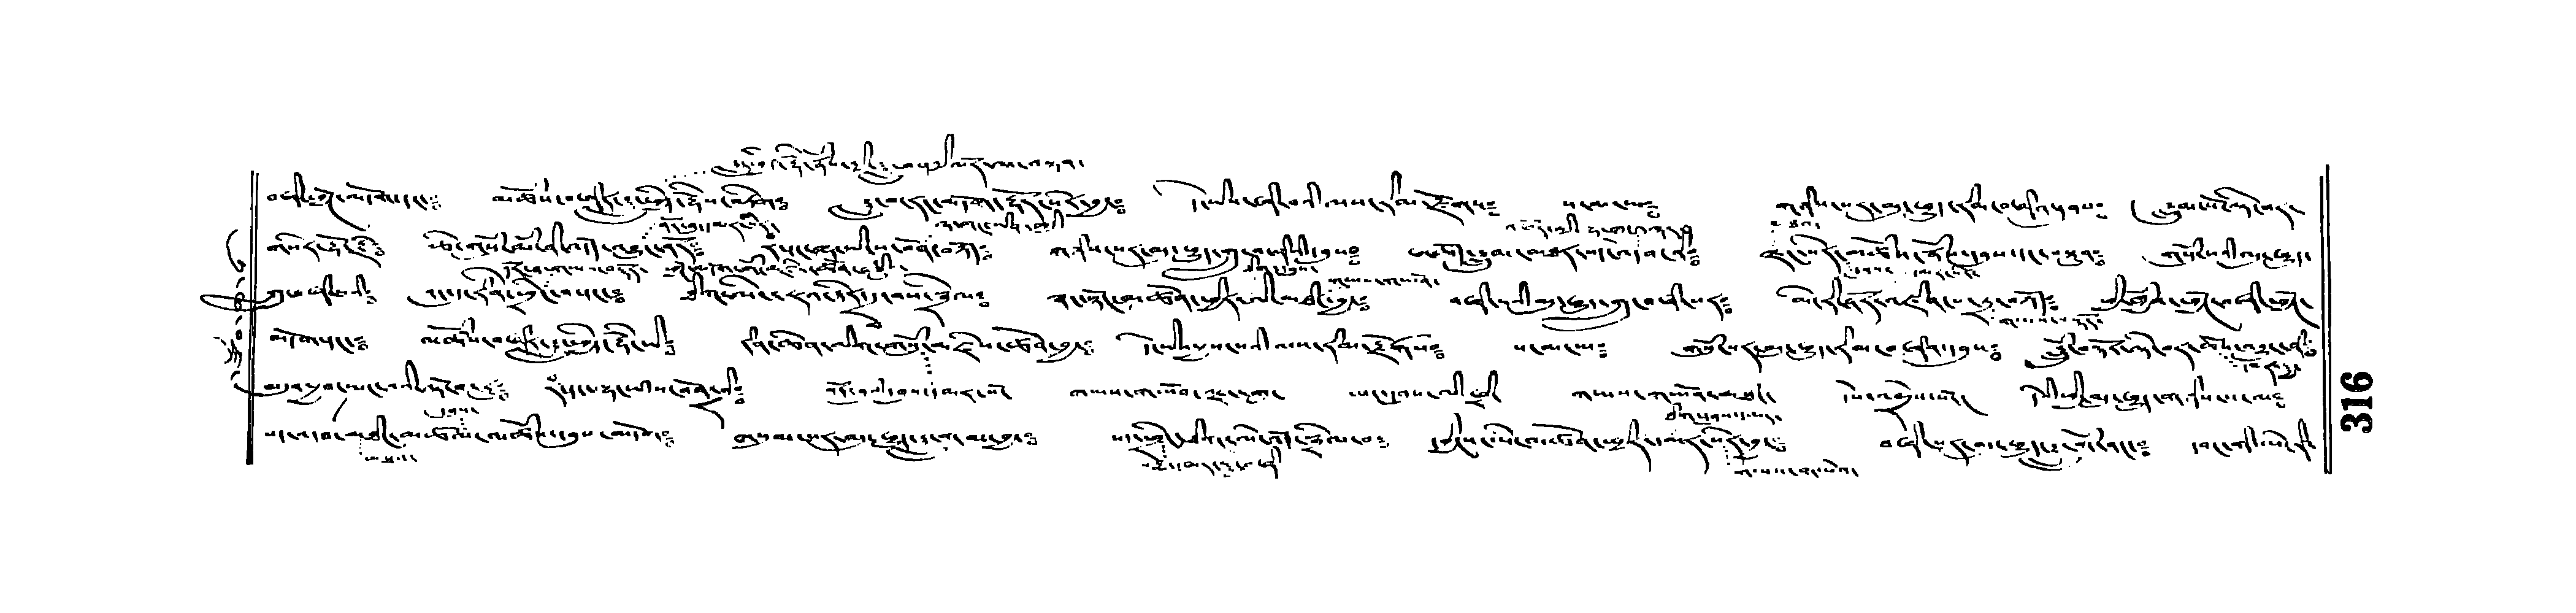བཞི་ཕྱོགས་མདོག་དང༔ མཚམས་བཞིར་ཟླ་ཕྱེད་རྡོ་རྗེ་རྣམས་ཀྱི་ཟླ་བ་དཀྱིལ་འཁོར་ལ་བསྟན་རྡོ་རྗེས་བཏེག༔ ཟླ་བ་རང་མདོག་རྡོར་སེར་བྱ༔ དེ་ཡིས་ཞི་བའི་ལས་རིམ་རྫོགས༔ ས་མ་ཡ༔ གཉིས་པར་མུ་ཁྱུད་རིམ་བཞིན་དབུས༔ ཟླུམ་པོ་ལྟེ་བར་
གསེར་རྡོ་རྗེ༔ རྩེ་གསུམ་མམ་ནི་འདོད་ནོར་བུ་དམར་སེར་འབྱུང་ནོར༔ རཾ་དང་ལྷ་ཡི་ས་བོན་ལྷ་གང་ཡིན་གྱི་བཀོད༔ གཉིས་པར་མུ་ཁྱུད་གྲུ་བཞིའི་དབུས༔ ཁ་ཆོད་ཟླུམ་མཐར་པད་འཁོར་གྱི་ལྷ་གྲངས་ལྟར་འདབ་ནི༔ ལྗང་མཐའ་སེར་དབུས་མཚམས་རྣམས་དབུས་དང་བསྟུན༔ གསུམ་པའི་མུ་ཁྱུད་
གྲུ་བཞི་པའི༔ ནང་དུ་རིན་ཆེནནོར་བུ་གཡས་སྐོར་་ཕྲེང་བ་དང༔ ཐིག་ལེ་འཇའ་ཟེར་དྲྭ་བས་སྦྲེལ༔ སྣང་སྟོང་མཚོན་ཕྱིར་ལི་ཐིག་དབུས་མཐིང་གཡས་གཡོན་བྱ༔བཞི་པའི་མུ་ཁྱུད་གྲུ་བཞི་པར༔ མེ་རི་ནོར་དམར་སེར་འཛིན་པ་གཡས་སྐོར་ཏྲ་བཀོད༔ ཕྱི་ཁྱམས་ཕྱོགས་བཞི་ཕྱོགས་
མདོག་དང༔ མཚམས་བཞིར་ཟླ་ཕྱེད་རྡོ་རྗེ་ཡི༔ རིན་ཆེན་མིག་གསུམ་ནོར་བུའི་དབུས་དམར་པོ། གཡས་གཡོན་ལྗང་གུ ཡག་དབུས་ལི་ཁྲི། གཡས་གཡོན་མཐིང་། དེས་འགྲེས་སོ། མཛེས་ཚོན་བྱ༔ དེ་ཡིས་རྒྱས་པའི་ལས་རིམ་རྫོགས༔ ས་མ་ཡ༔ གསུམ་པར་མུ་ཁྱུད་རིམ་བཞིན་དབུས༔ ཟླུམ་བསྐོར་ལྟེ་བར་ཆོས་འབྱུང་ནི༔ 
མདུན་རྒྱབ་སྤང་བའི་ལྟོ་བ་རུ༔ རཾ་དང་ལྷ་ཡི་ས་བོན་བྲི༔དེའི་ཕྱི་མུ་ཁྱུད་གཉིས་པ་ལ༔ པད་འདབ་མཐའ་མཐིང་མཚལ་དབུས་མཚམས་དབུས་མདོག༔ གསུམ་པར་མུ་ཁྱུད་ཟླ་གམ་བྱ༔ 
པད་ཕྲེང་པདྨ་དམར་སྐྱ་བཞི་ཐིག་ལེ་འོད་སྦྲེལ་བ༔ དབྱིངས་ཡེ་མཚོན་ཕྱིར་དམར་སེར་གཡས་གཡོན་བྱ༔ བཞི་པར་མུ་ཁྱུད་ཟླ་གམ་ནང༔ དབང་གི་མེ་རི་